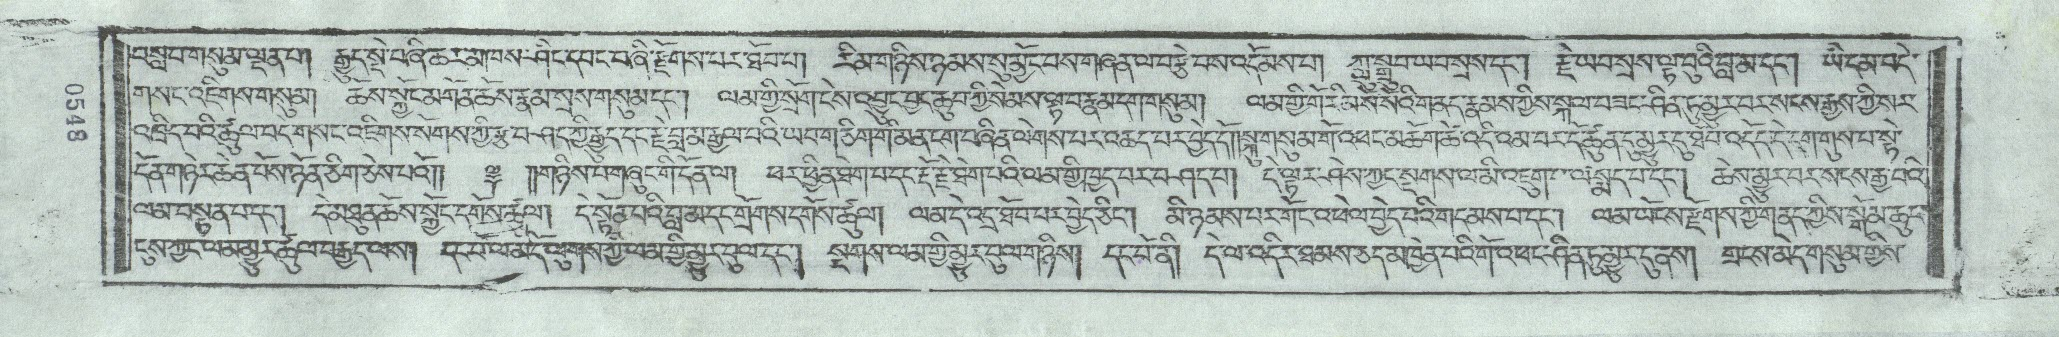བསླབ་གསུམ་ལྡན་པ། རྒྱུད་སྡེ་བཞི་ཆར་མཁས་ཤིང་དབང་བཞི་རྫོགས་པར་ཐོབ་པ། རིམ་གཉིས་ཉམས་སུ་མྱོང་བས་གཞན་ལ་བརྩེ་བས་འདོམས་པ། ཀླུ་སྒྲུབ་ཡབ་སྲས་དང་། རྗེ་ཡབ་སྲས་ལྟ་བུའི་བླ་མ་དང་། ཡི་དམ་བདེ་
གསང་འཇིགས་གསུམ། ཆོས་སྐྱོང་མགོན་ཆོས་རྣམ་སྲས་གསུམ་དང་། ལམ་གྱི་སྲོག་ངེས་འབྱུང་བྱང་ཆུབ་ཀྱི་སེམས་ལྟ་བ་རྣམ་དག་གསུམ། ལམ་གྱི་གོ་རིམ་སོ་སོའི་གནད་རྣམས་ཀྱིས་སྐལ་བཟང་ཤིན་ཏུ་མྱུར་བར་སངས་རྒྱས་ཀྱི་སར་
འཁྲིད་པའི་ཚུལ་བདེ་གསང་འཇིགས་སོགས་ཀྱི་རྩ་བཤད་ཀྱི་རྒྱུད་དང་རྗེ་བླ་མ་རྒྱལ་བའི་ཡབ་གཅིག་གི་མན་ངག་བཞིན་ལེགས་པར་འཆད་པར་བྱེད་དོ། །སྐུ་གསུམ་གོ་འཕང་མཆོག་ཚེ་འདི་འམ་བར་དོ་ཚུན་དུ་མྱུར་དུ་ཐོབ་འདོད་དེ་དག་གུས་པ་སྟེ་
དོན་གཉེར་ཆེན་པོས་ཉོན་ཅིག་ཅེས་པའོ།། ༈ །།གཉིས་པ་གཞུང་གི་དོན་ལ། ཕར་ཕྱིན་ཐེག་པ་དང་རྡོ་རྗེ་ཐེག་པའི་ལམ་གྱི་ཁྱད་པར་བཤད་པ། དེ་ལྟར་ཤེས་ཀྱང་སྔགས་ལ་མི་འཇུག་པ་ལ་སྨད་པ་དང་། ཆེས་མྱུར་བར་སངས་རྒྱ་བའི་
ལམ་བསྟན་པ་དང་། དེ་མཐུན་ཆོས་སྐྱོང་དགོས་ཚུལ། དེ་སྟོན་པའི་བླ་མ་དང་གྲོགས་དགོས་ཚུལ། ལམ་དེ་འདྲ་ཐོབ་པར་བྱེད་ཅིང་། མི་ཉམས་པར་གོང་འཕེལ་བྱེད་པའི་གདམས་པ་དང་། ལམ་ཡོངས་རྫོགས་ཀྱི་གནད་ཀྱིས་སྒོམ་ཆུང་
དུས་ཀྱང་ལམ་མྱུར་ཚུལ་བརྒྱད་ལས། དང་པོ་ལ་མདོ་ལུགས་ཀྱི་ལམ་གྱི་མྱུར་བུལ་དང་། སྔགས་ལམ་གྱི་མྱུར་བུལ་གཉིས། དང་པོ་ནི། དེ་ལ་འདིར་ཐམས་ཅད་མཁྱེན་པའི་གོ་འཕང་ཤིན་ཏུ་མྱུར་དུ་ནས། གྲངས་མེད་གསུམ་གྱིས་